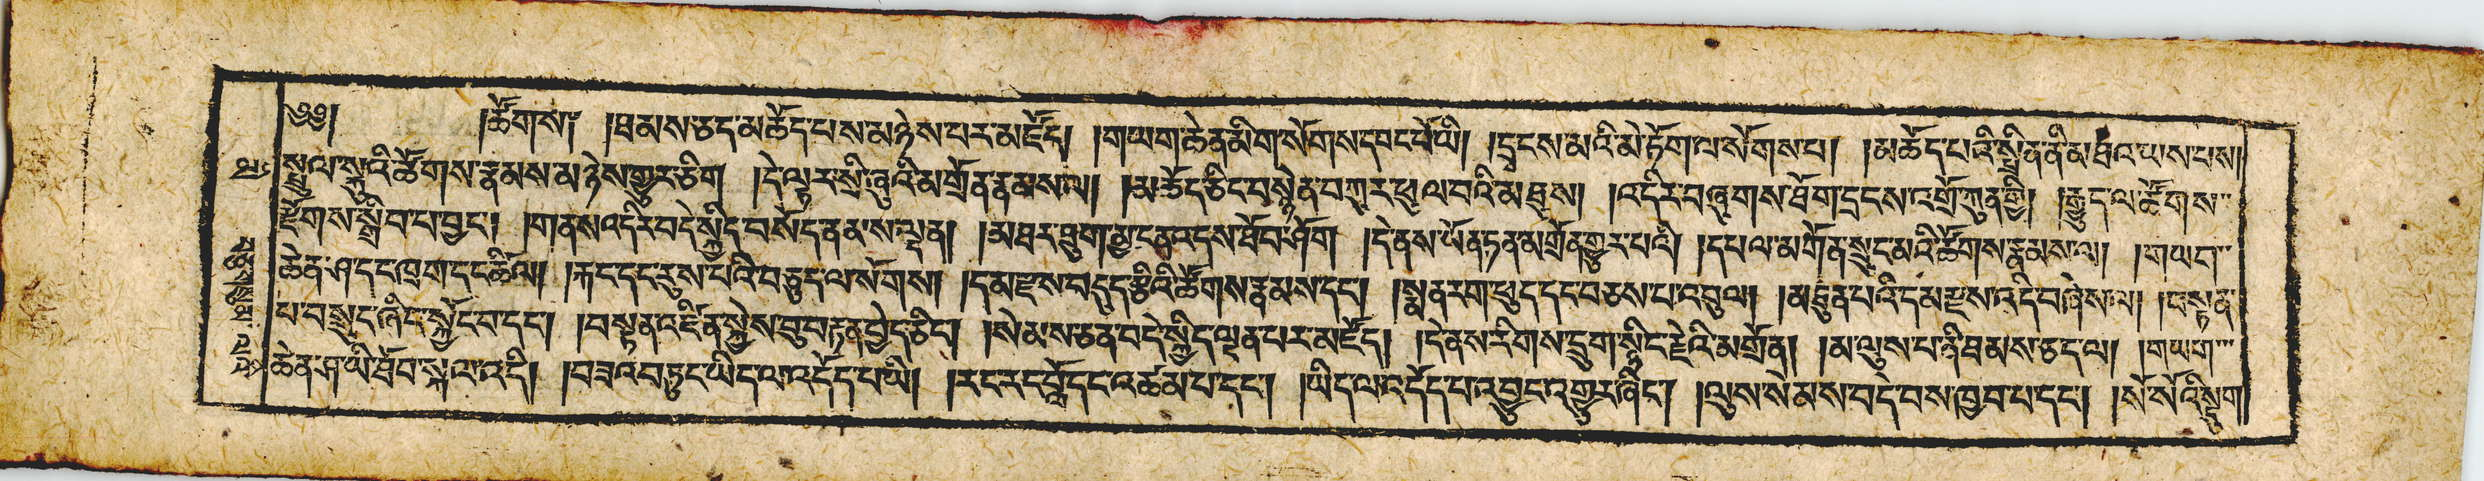ཚོགས། །ཐམས་ཅད་མཆོད་པས་མཉེས་པར་མཛོད། །གཡག་ཆེན་མིག་སོགས་དབང་པོ་ཡི། །དྭངས་མའི་མེ་ཏོག་ལ་སོགས་པ། །མཆོད་པའི་སྤྲིན་ནི་མཐའ་ཡས་པས། 
སྤྲུལ་སྐུའི་ཚོགས་རྣམས་མཉེས་གྱུར་ཅིག །དེ་ལྟར་སྲི་ཞུའི་མགྲོན་རྣམས་ལ། །མཆོད་ཅིང་བསྙེན་བཀུར་ཕུལ་བའི་མཐུས། །འདིར་བཞུགས་ཐོག་དྲངས་འགྲོ་ཀུན་གྱི། །རྒྱུད་ལ་ཚོགས་་
རྫོགས་སྒྲིབ་པ་བྱང་། གནས་འདིར་བདེ་སྐྱིད་བསོད་ནམས་ལྡན། །མཐར་ཐུག་མྱ་ངན་འདས་ཐོབ་ཤོག །དེ་ནས་ཡོན་ཏན་མགྲོན་གྱུར་པའི། །དཔལ་མགོན་སྲུང་མའི་ཚོགས་རྣམས་ལ། །གཡག་
ཆེན་ཤ་དང་ཁྲག་དང་ཚིལ། །རྐང་དང་རུས་པའི་བཅུད་ལ་སོགས། །དམ་རྫས་བདུད་རྩིའི་ཚོགས་རྣམས་དང་། །སྨན་རག་ཕུད་དང་བཅས་པ་འབུལ། །མཐུན་པའི་དམ་རྫས་འདི་བཞེས་ལ། །བསྟན་
པ་བསྲུང་ཞིང་སྐྱོང་བ་དང་། །བསྟན་འཛིན་སྐྱེས་བུ་བརྟན་བྱེད་ཅིང། །སེམས་ཅན་བདེ་སྐྱིད་ལྡན་པར་མཛོད། །དེ་ནས་རིགས་དྲུག་སྙིང་རྗེའི་མགྲོན། །མ་ལུས་པ་ནི་ཐམས་ཅད་ལ། །གཡག་་་
ཆེན་ཤ་ཡི་ཐོབ་སྐལ་འདི། །བཟའ་བཏུང་ཡིད་ལ་འདོད་པ་ཡི། །རང་རང་བློ་དང་འཚམ་པ་དང་། །ཡིད་ལ་འདོད་པ་འབྱུང་འགྱུར་ཞིང་། །ལུས་སེམས་བདེ་བས་ཁྱབ་པ་དང་། །སོ་སོའི་སྡུག་